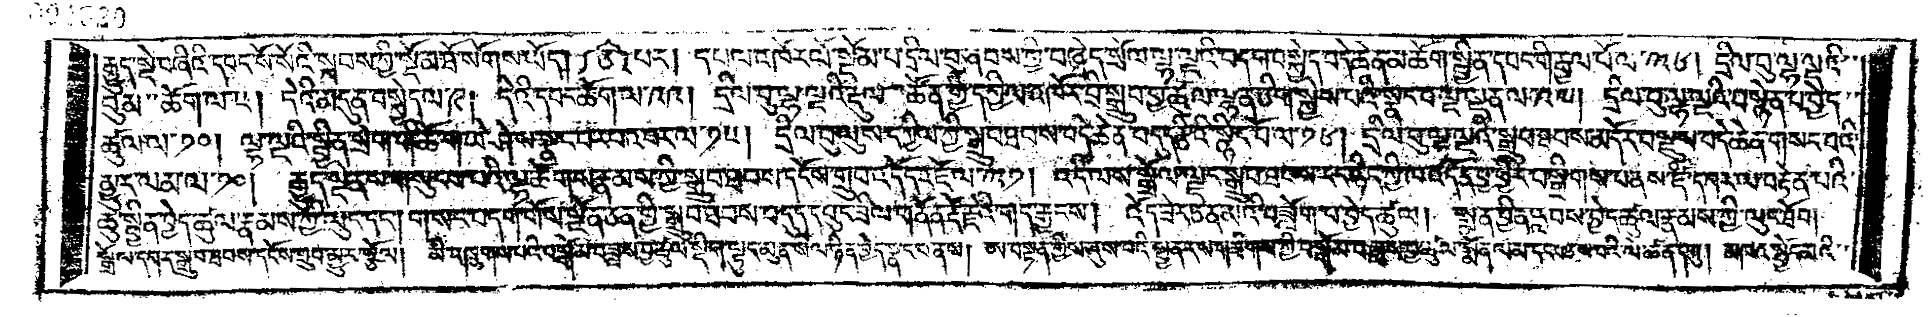རྒྱུད་སྡེ་བཞིའི་དབང་སོ་སོའི་སྐབས་ཀྱི་སྡོམ་ཐོ་སོགས་ཡོད། ༼ཅ༽ པར། དཔལ་འཁོར་ལོ་སྡོམ་པ་དྲིལ་བུ་ཞབས་ཀྱི་བཞེད་སྲོལ་ལྷ་ལྔའི་བདག་བསྐྱེད་བདེ་ཆེན་མཆོག་སྦྱིན་དབང་གི་རྒྱལ་པོ་ལ ༣༦། དྲིལ་བུ་ལྷ་ལྔའི་
བུམ་ཆོག་ལ ༥། དེའི་མདུན་བསྐྱེད་ལ ༩། དེའི་དབང་ཆོག་ལ ༩༩། དྲིལ་བུ་ལྷ་ལྔའི་རྡུལ་ཚོན་གྱི་དཀྱིལ་འཁོར་བྲི་སྒྲུབ་བྱ་ཚུལ་ལྷན་ཅིག་སྐྱེས་པའི་སྣང་བ་ལྔ་ལྡན་ལ ༢༧། དྲིལ་བུ་ལྷ་ལྔའི་བསྙེན་པ་བྱེད་
ཚུལ་ལ ༡༠། ལྷ་ལྔའི་སྦྱིན་སྲེག་གི་ཆོ་ག་ཡེ་ཤེས་སྣང་བ་རབ་འབར་ལ ༡༥། དྲིལ་བུ་ལུས་དཀྱིལ་ཀྱི་སྒྲུབ་ཐབས་བདེ་ཆེན་བདུད་རྩིའི་སྙིང་པོ་ལ ༡༦། དྲིལ་བུ་ལྷ་ལྔའི་སྒྲུབ་ཐབས་མདོར་བསྡུས་བདེ་ཆེན་གསང་བའི་
མྱུར་ལམ་ལ ༡༠། རྒྱུད་སྡེ་ནས་གསུངས་པའི་ལྷ་ཚོགས་རྣམས་ཀྱི་སྒྲུབ་ཐབས་དངོས་གྲུབ་འདོད་འཇོ་ལ ༣༡། འདི་ལས་སྒྲོལ་ལྗང་སྒྲུབ་ཐབས་རང་ཉིད་ཀྱི་ཁ་འདོན་བྱ་ཕྱིར་བསྒྲིགས་པ་ནས་ཛཾ་དཀར་ལ་བརྟེན་པའི་
ཆུ་སྦྱིན་བྱེད་ཚུལ་རྣམས་ཀྱི་ལུང་དང་། གསང་བདག་གོས་སྔོན་ཅན་གྱི་སྒྲུབ་ཐབས་བདུད་དཔུང་ཟིལ་གནོན་རྡོ་རྗེའི་གད་རྒྱངས། འོད་ཟེར་ཅན་མའི་བཟློག་པ་བྱེད་ཚུལ། སྨན་བྱིན་རླབས་བྱེད་ཚུལ་རྣམས་ཀྱི་ལུང་ཐོབ།
སྒྲོལ་དཀར་སྒྲུབ་ཐབས་དངོས་གྲུབ་མྱུར་སྩོལ། མི་འཁྲུགས་པའི་བསྒོམ་བཟླས་བྱ་ཚུལ་སྡིག་ལྟུང་མུན་སེལ་ཉིན་བྱེད་སྣང་བ་ནས། ཨ་བསྟན་གྱིས་ཞུས་བའི་སྤྱན་རས་གཟིགས་ཀྱི་བསྒོམ་བཟླས་བྱ་ཚུལ་སྨོན་ལམ་དང་བཅས་པའི་ལེ་ཚན་དགུ །མཁའ་སྤྱོད་མའི་